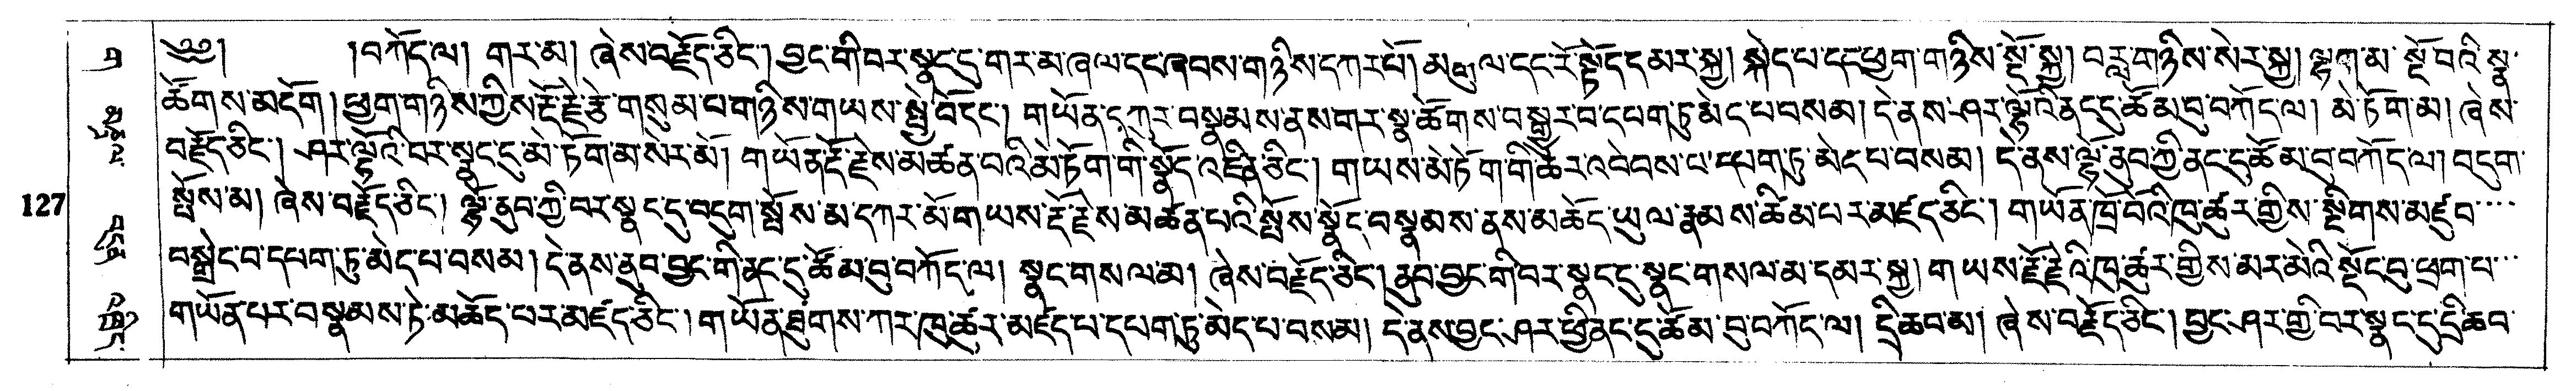༄༅། །བཀོད་ལ། གར་མ། ཞེས་བརྗོད་ཅིང་། བྱང་གི་བར་སྣང་དུ་གར་མ་ཞལ་དང་ཞབས་གཉིས་དཀར་པོ། མགུལ་དང་རོ་སྟོད་དམར་སྐྱ། སྐེད་པ་དང་ཕྱག་གཉིས་སྔོ་སྐྱ། བརླ་གཉིས་སེར་སྐྱ། ལྷག་མ་སྔོ་བའི་སྣ་
ཚོགས་མདོག །ཕྱག་གཉིས་ཀྱིས་རྡོ་རྗེ་རྩེ་གསུམ་པ་གཉིས་གཡས་སྤྱི་བོ་དང་། གཡོན་དཀུར་བསྣམས་ནས་གར་སྣ་ཚོགས་བསྒྱུར་བ་དཔག་ཏུ་མེད་པ་བསམ། དེ་ནས་ཤར་ལྷོའི་ནང་དུ་ཚོམ་བུ་བཀོད་ལ། མེ་ཏོག་མ། ཞེས་
བརྗོད་ཅིང་། ཤར་ལྷོའི་བར་སྣང་དུ་མེ་ཏོག་མ་སེར་མོ། གཡོན་རྡོ་རྗེས་མཚན་པའི་མེ་ཏོག་གི་སྣོད་འཛིན་ཅིང་། གཡས་མེ་ཏོག་གི་ཆར་འབེབས་པ་དཔག་ཏུ་མེད་པ་བསམ། དེ་ནས་ལྷོ་ནུབ་ཀྱི་ནང་དུ་ཚོམ་བུ་བཀོད་ལ། བདུག་
སྤོས་མ། ཞེས་བརྗོད་ཅིང་། ལྷོ་ནུབ་ཀྱི་བར་སྣང་དུ་བདུག་སྤོས་མ་དཀར་མོ་གཡས་རྡོ་རྗེས་མཚན་པའི་སྤོས་སྣོད་བསྣམས་ནས་མཆོད་ཡུལ་རྣམས་ཚིམ་པར་མཛད་ཅིང་། གཡོན་ཁྲོ་བོའི་ཁུ་ཚུར་གྱིས་སྡིགས་མཛུབ་
བསྒྲེང་བ་དཔག་ཏུ་མེད་པ་བསམ། དེ་ནས་ནུབ་བྱང་གི་ནང་དུ་ཚོམ་བུ་བཀོད་ལ། སྣང་གསལ་མ། ཞེས་བརྗོད་ཅིང་། ནུབ་བྱང་གི་བར་སྣང་དུ་སྣང་གསལ་མ་དམར་སྐྱ། གཡས་རྡོ་རྗེའི་ཁུ་ཚུར་གྱིས་མར་མེའི་སྡོང་བུ་ཕྲག་པ་
གཡོན་པར་བསྣམས་ཏེ་མཆོད་པར་མཛད་ཅིང་། གཡོན་ཐུགས་ཀར་ཁུ་ཚུར་མཛད་པ་དཔག་ཏུ་མེད་པ་བསམ། དེ་ནས་བྱང་ཤར་ཕྱི་ནང་དུ་ཚོམ་བུ་བཀོད་ལ། དྲི་ཆབ་མ། ཞེས་བརྗོད་ཅིང་། བྱང་ཤར་གྱི་བར་སྣང་དུ་དྲི་ཆབ་